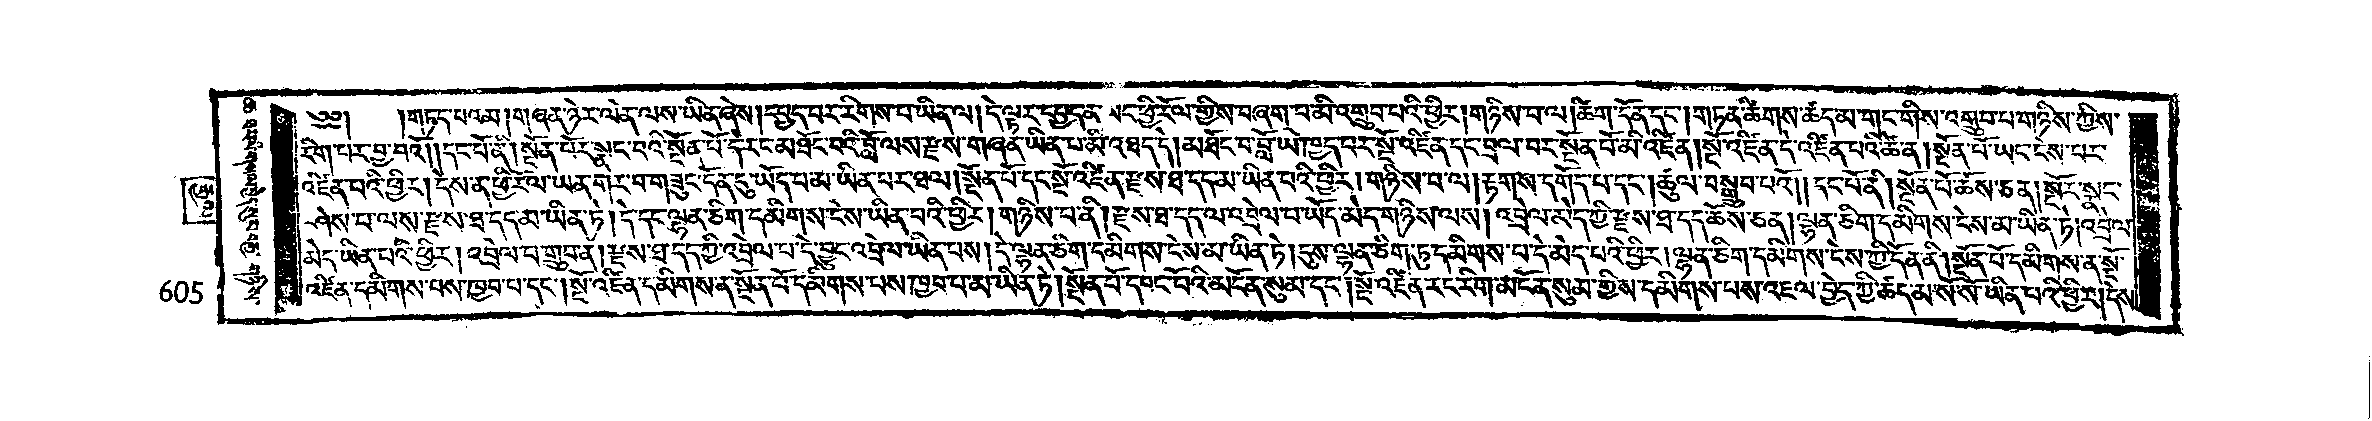༄༅། །གཏད་པའམ། གཞན་ཉེར་ལེན་ལས་ཡིན་ཞེས། དཔྱད་པར་རིགས་པ་ཡིན་ལ། དེ་ལྟར་དཔྱད་ན་ཡང་ཕྱི་རོལ་གྱིས་བཞག་པ་མི་འགྲུབ་པའི་ཕྱིར། གཉིས་པ་ལ། ཚིག་དོན་དང་། གཏན་ཚིགས་ཚད་མ་གང་གིས་འགྲུབ་པ་གཉིས་ཀྱིས་
རིག་པར་བྱ་བའོ། །དང་པོ་ནི། སྔོན་པོར་སྣང་བའི་སྔོན་པོ་དེ་རང་མཐོང་བའི་བློ་ལས་རྫས་གཞན་ཡིན་པ་མི་འཐད་དེ། མཐོང་བ་བློ་ཡི་ཁྱད་པར་སྔོ་འཛིན་དང་བྲལ་བར་སྔོན་པོ་མི་འཛིན། སྔོ་འཛིན་དེ་འཛིན་པའི་ཚེ་ན། སྔོན་པོ་ཡང་ངེས་པར་
འཛིན་པའི་ཕྱིར། དེས་ན་ཕྱི་རོལ་ཡན་གར་བ་གཟུང་དོན་དུ་ཡོད་པ་མ་ཡིན་པར་ཐལ། སྔོན་པོ་དང་སྔོ་འཛིན་རྫས་ཐ་དད་མ་ཡིན་པའི་ཕྱིར། གཉིས་པ་ལ། རྟགས་དགོད་པ་དང་། ཚུལ་བསྒྲུབ་པའོ། །དང་པོ་ནི། སྔོན་པོ་ཆོས་ཅན། སྔོར་སྣང་
ཤེས་པ་ལས་རྫས་ཐ་དད་མ་ཡིན་ཏེ། དེ་དང་ལྷན་ཅིག་དམིགས་ངེས་ཡིན་པའི་ཕྱིར། གཉིས་པ་ནི། རྫས་ཐ་དད་ལ་འབྲེལ་བ་ཡོད་མེད་གཉིས་ལས། འབྲེལ་མེད་ཀྱི་རྫས་ཐ་དད་ཆོས་ཅན། ལྷན་ཅིག་དམིགས་ངེས་མ་ཡིན་ཏེ། འབྲེལ་
མེད་ཡིན་པའི་ཕྱིར། འབྲེལ་བ་གྲུབ་ན། རྫས་ཐ་དད་ཀྱི་འབྲེལ་པ་དེ་བྱུང་འབྲེལ་ཡིན་པས། དེ་ལྷན་ཅིག་དམིགས་ངེས་མ་ཡིན་ཏེ། དུས་ལྷན་ཅིག་ཏུ་དམིགས་པ་དེ་མེད་པའི་ཕྱིར། ལྷན་ཅིག་དམིགས་ངེས་ཀྱི་དོན་ནི། སྔོན་པོ་དམིགས་ན་སྔོ་
འཛིན་དམིགས་པས་ཁྱབ་པ་དང་། སྔོ་འཛིན་དམིགས་ན་སྔོན་པོ་དམིགས་པས་ཁྱབ་པ་མ་ཡིན་ཏེ། སྔོན་པོ་དབང་པོའི་མངོན་སུམ་དང་། སྔོ་འཛིན་རང་རིག་མངོན་སུམ་གྱིས་དམིགས་པས་འཇལ་བྱེད་ཀྱི་ཚད་མ་སོ་སོ་ཡིན་པའི་ཕྱིར། དེས་